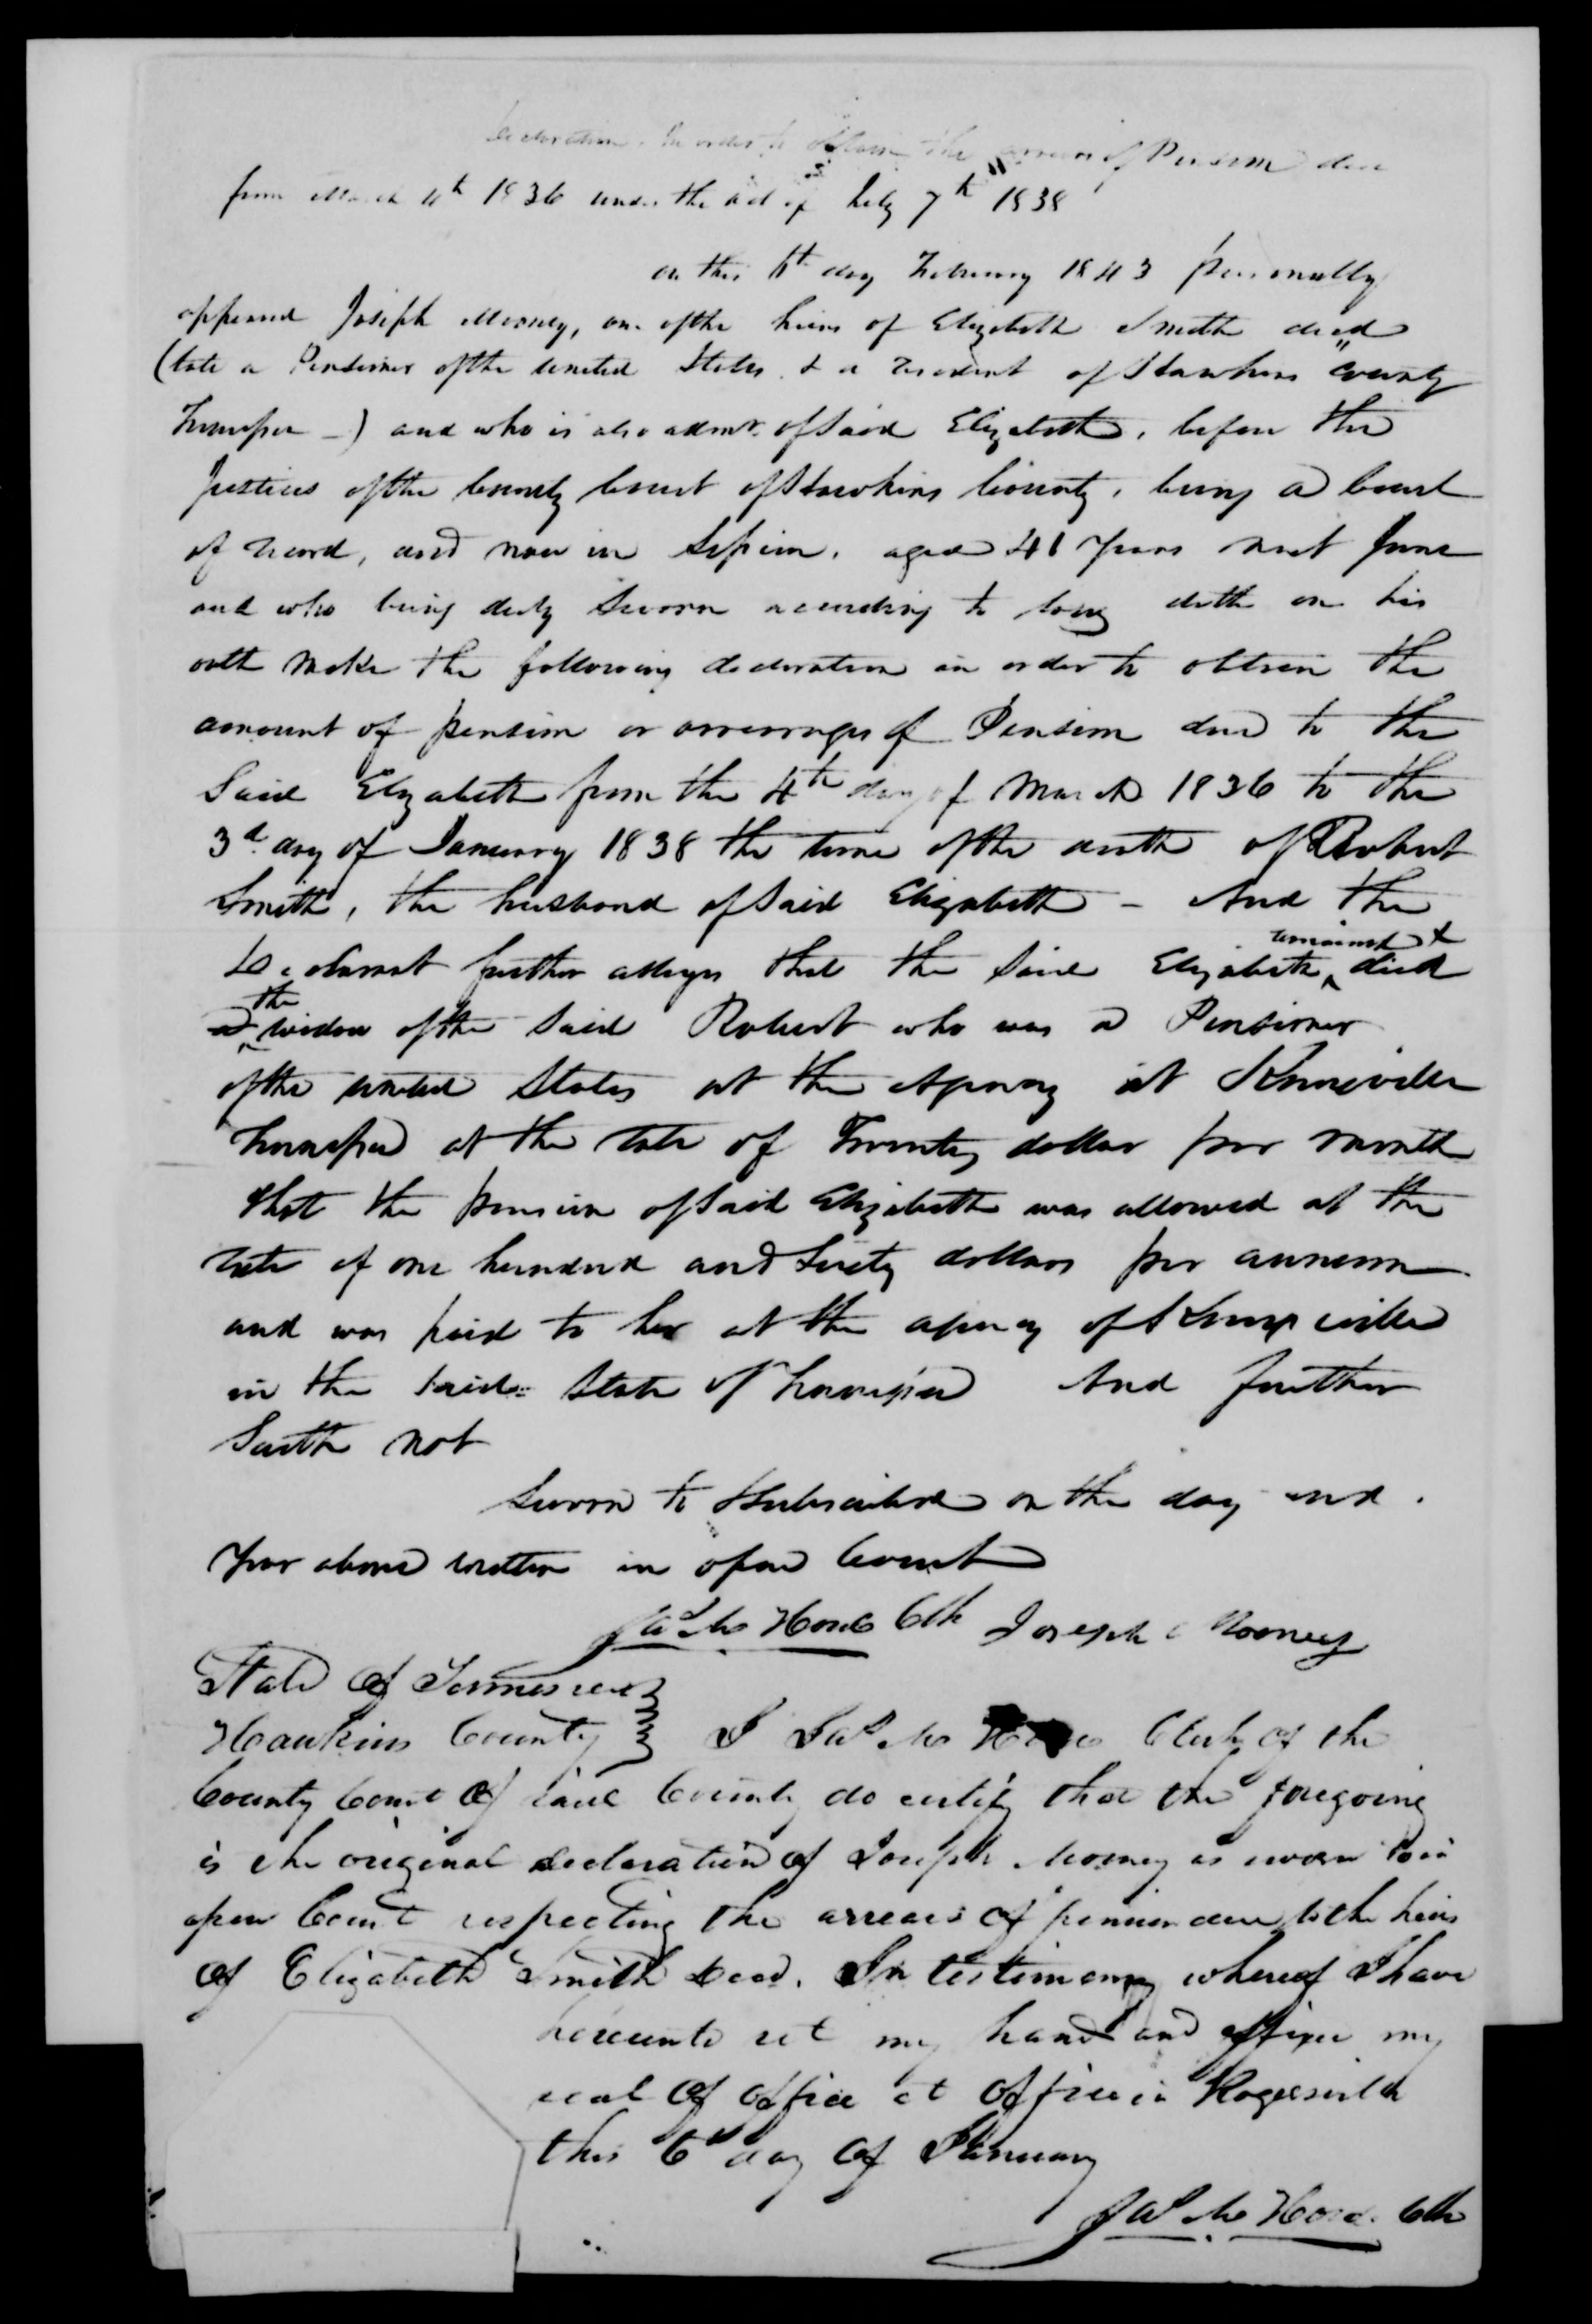Declaration - In order to obtain the amount of Pension due from March 4th 1836 under the act of July 7th 1838
On this 6th day of February 1843 personally appeared Joseph Mooney, one of the heirs of Elizabeth Smith decd (late a Pensioner of the United States & a resident of Hawkins County Tennessee) - and who is also admr. of said Elizabeth, before the Justices of the County Court of Hawkins County, being a Court of record, and now in Session, aged 41 years next June and who being duly Sworn according to law doth on his oath make the following declaration in order to obtain the amount of pension or arrearages of Pension due to the Said Elizabeth from the 4th day of March 1836 to the 3d day of January 1838 the time of the death of Robert Smith, the husband of Said Elizabeth - And the deponant further alleges that the Said Elizabeth married & died the widow of the Said Robert who was a Pensioner of the United States at the Agency of Johnsville Tennessee at the rate of Twenty dollars per month that the pension of Said Elizabeth was allowed at the rate of one hundred and Sixty dollars per annum and was paid to her at the agency of Knoxville in the said State of Tennessee And further Saith not
Sworn to + Subscribed on the day and year above written in open Court
Jas M Hord Clk Joseph Mooney

State of Tennessee Hawkins County} I Jas M  Hord Clerk of the County Court of Said County do certify that the foregoing is the original declaration of Joseph Mooney as sworn to in open Court respecting the arrears of pension due to the heirs of Elizabeth Smith decd. In testimony whereof I have hereunto set my hand and affixed my seal of office at office in Rogersville this 6th day of February
Jas M Hord Clk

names: Elizabeth [BLANK]; Jas M Hord; Jas M Hord; Robert Smith; Elizabeth Smith; Joseph Mooney; Robert [BLANK]; Elizabeth [BLANK]; Elizabeth [BLANK]; Joseph Mooney; Elizabeth [BLANK]; Elizabeth Smith; Elizabeth [BLANK]; Jas M Hord; Joseph Mooney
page: 70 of 79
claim: widow's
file: W. 1504, for Robert Smith, North Carolina